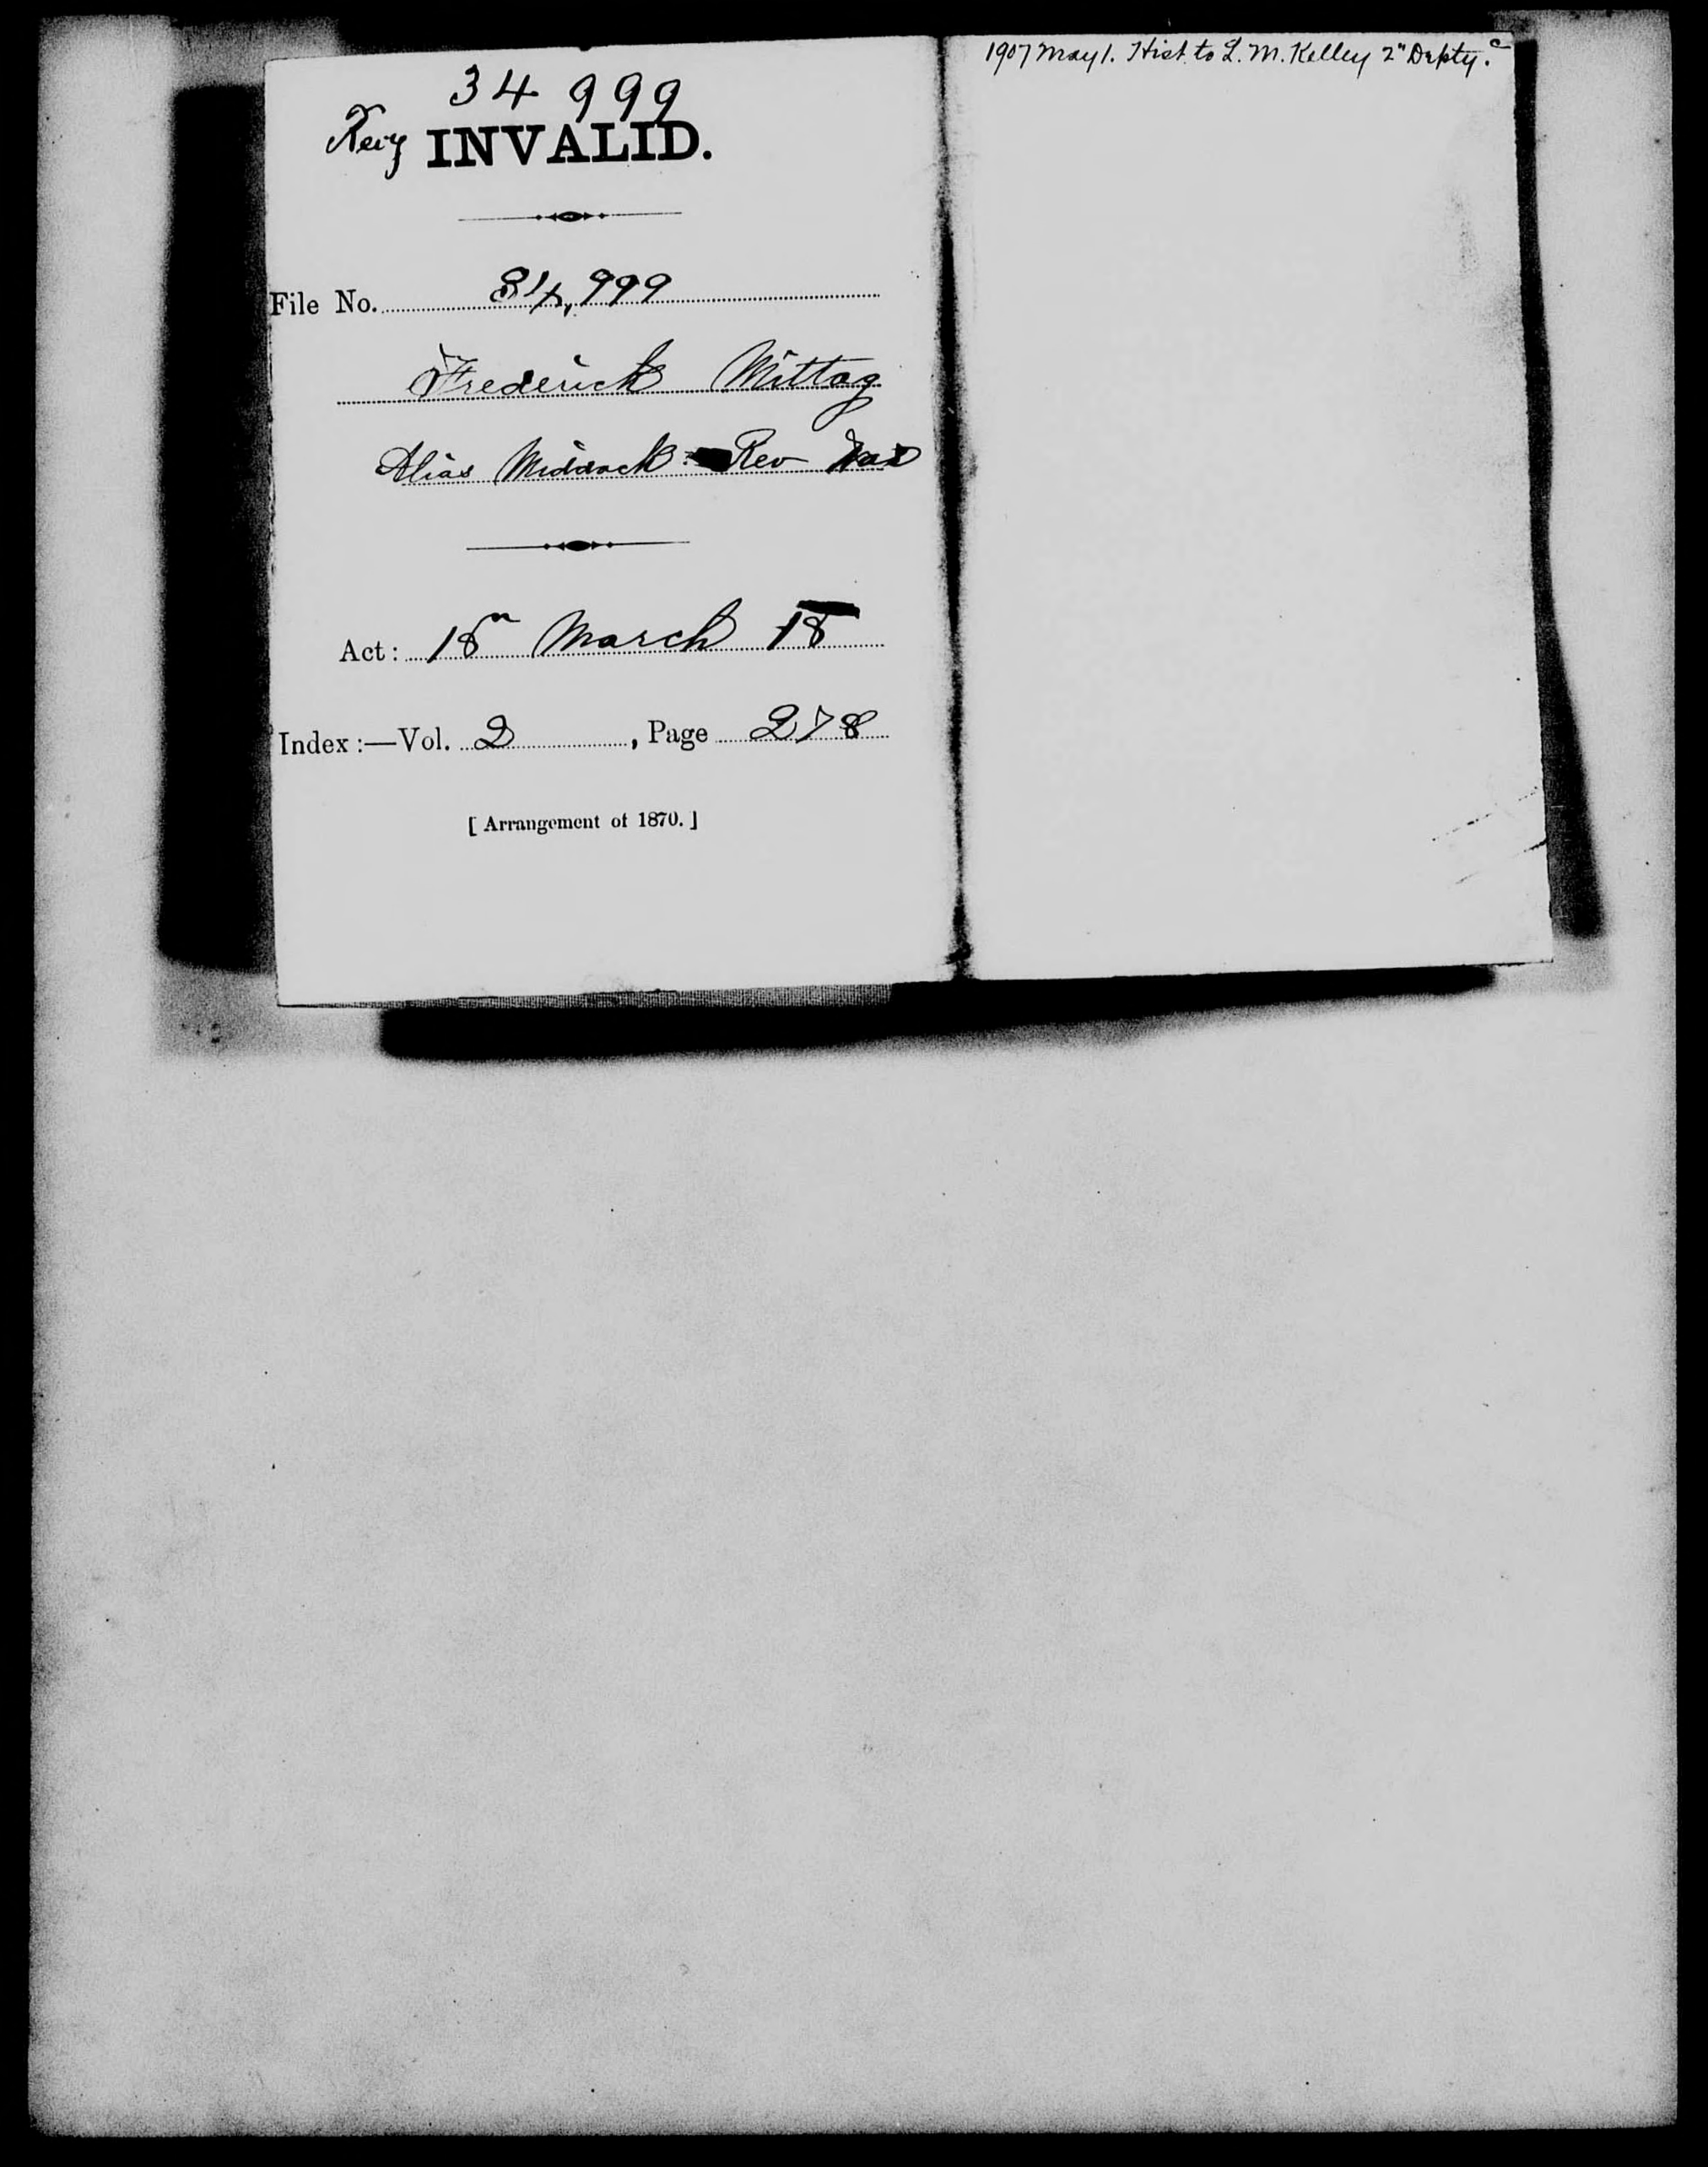34999

Revy INVALID.

File No. 34,999

Frederick Mittag
Alias Meddack Rev War

Act: 18 March 18

Index :-- Vol. 2, Page 278

[ Arrangement of 1870. ] 

1907 May 1. Hist to L. M. Kelley 2" Depty.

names: Frederick Middack; Frederick Mittag; L M Kelley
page: 12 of 13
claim: survivor's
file: S. 34999, for Frederick Mittag, Maryland